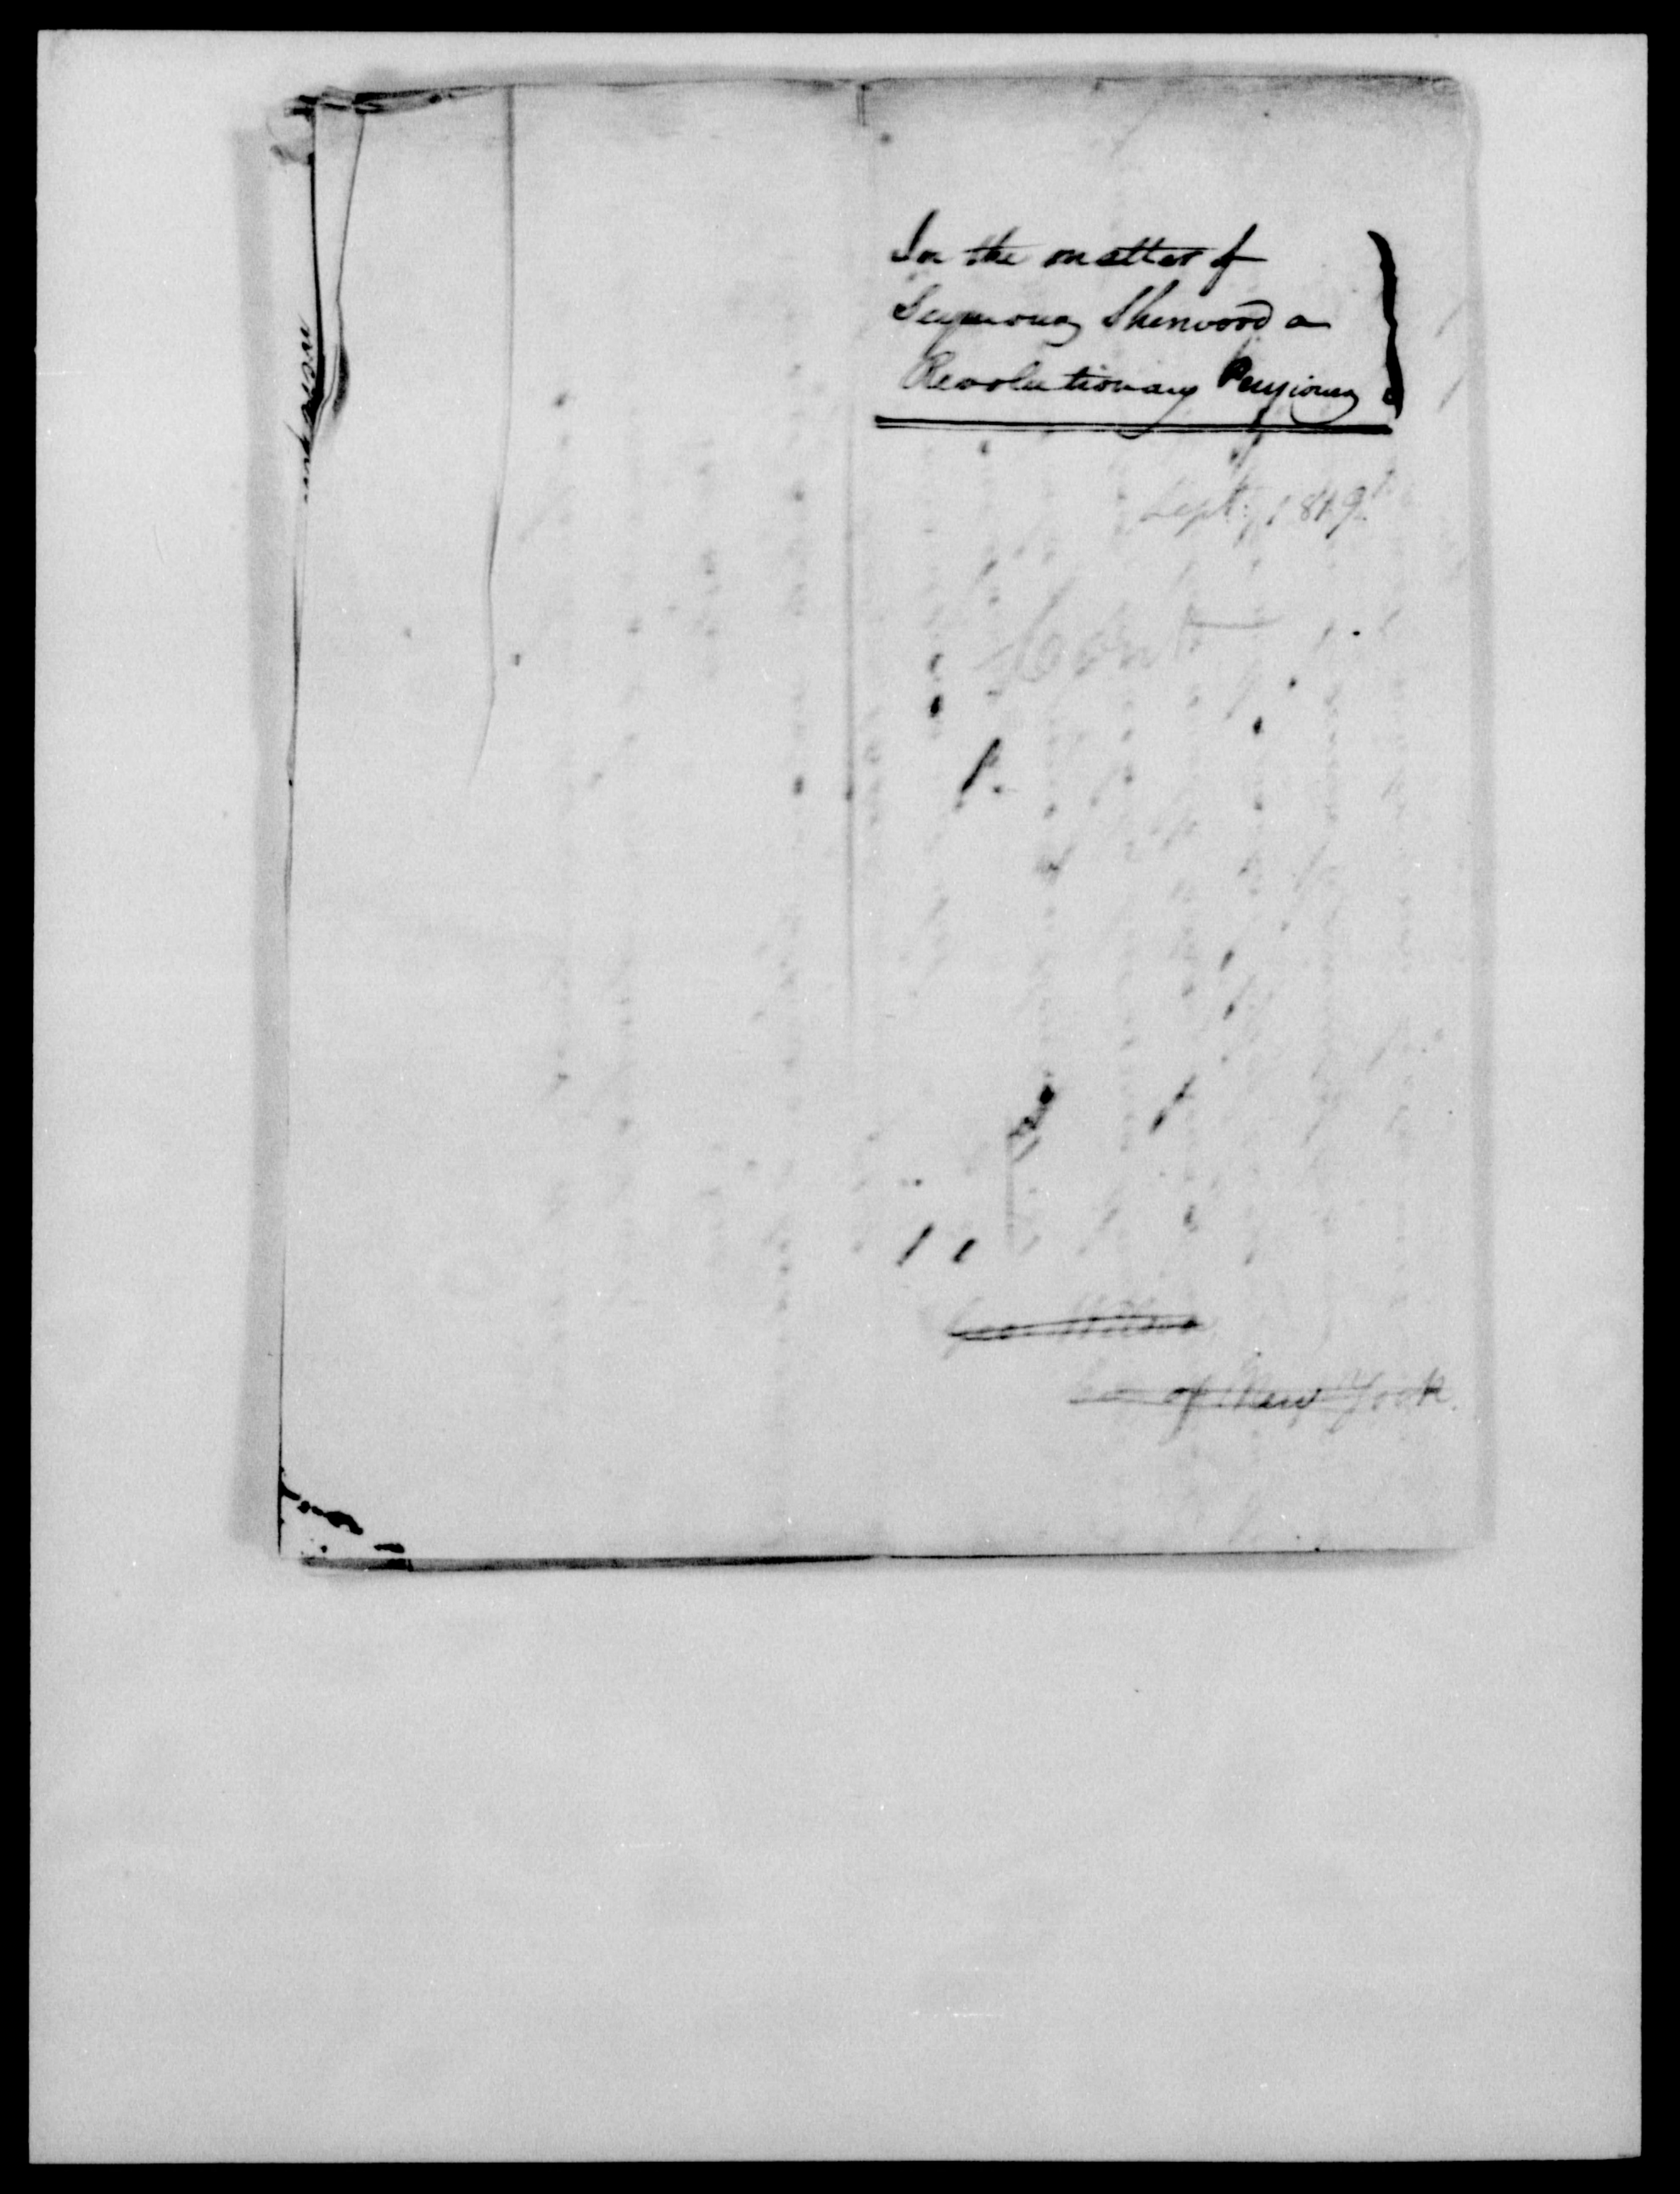In the matter of Seymore Sherwood a
Revolutionary Pensioner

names: Seymour Sherwood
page: 3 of 30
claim: survivor's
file: S. 42289, for Seymore Sherwood, Connecticut